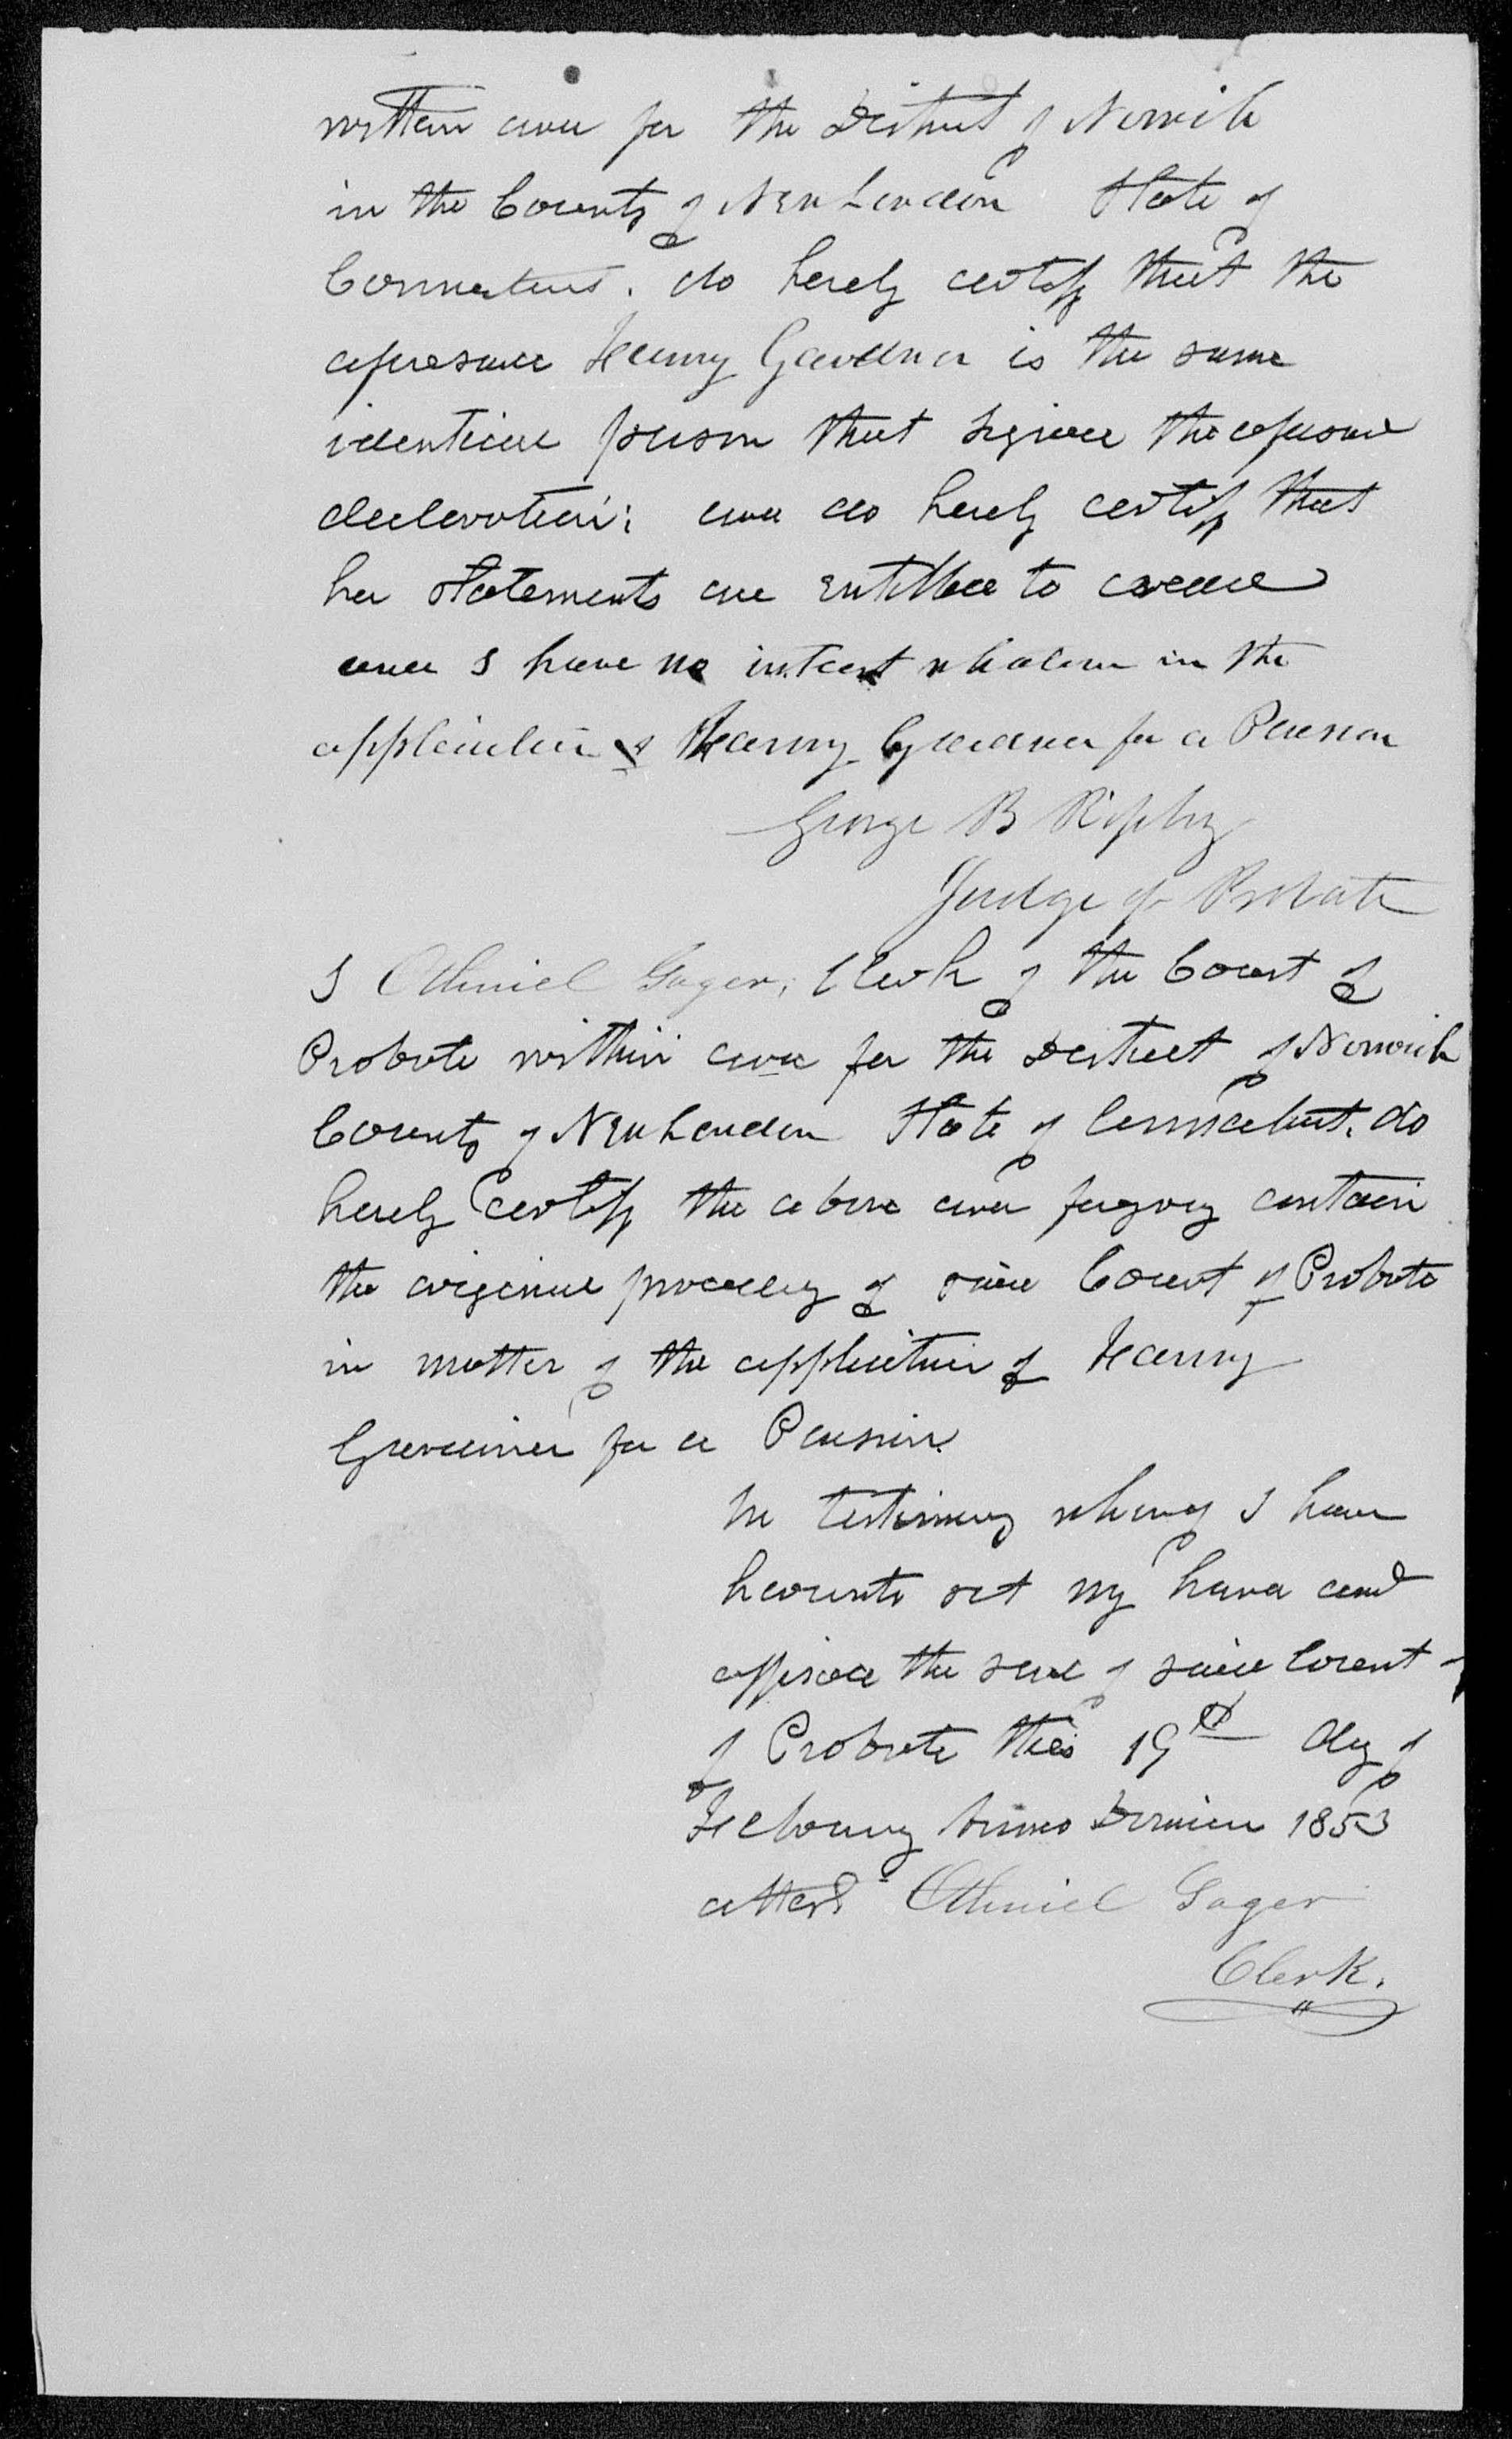within and for the District of Norwich in the county of New London & state of Connecticut, do hereby certify that the aforesaid Fanny Gardner is the same identical person that signed the aforesaid declaration; and do hereby certify that her statements are entitled to credit and I have no interest whatever in the application of Fanny Gardner for a pension.
George B. Ripley
Judge of Probate

I Othniel Gager Clerk of the Court of Probate within and for the District of Norwich County of New London, State of Connecticut, do hereby certify the above and foregoing contain the original proceedings of said Court of Probate in matter of the application of Fanny Gardner for a pension.
In testimony whereof I have hereunto set my hand and affixed the seal of said Court of Probate this 19th day of February Anno Domini 1853.
Attest Othniel Gager Clerk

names: Othniel Gager, Fanny Gardiner, George B Ripley, Othniel Gager, Fanny Gardner, Fanny Gardner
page: 22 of 66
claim: widow's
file: W 1850, David Gardner, Conn.